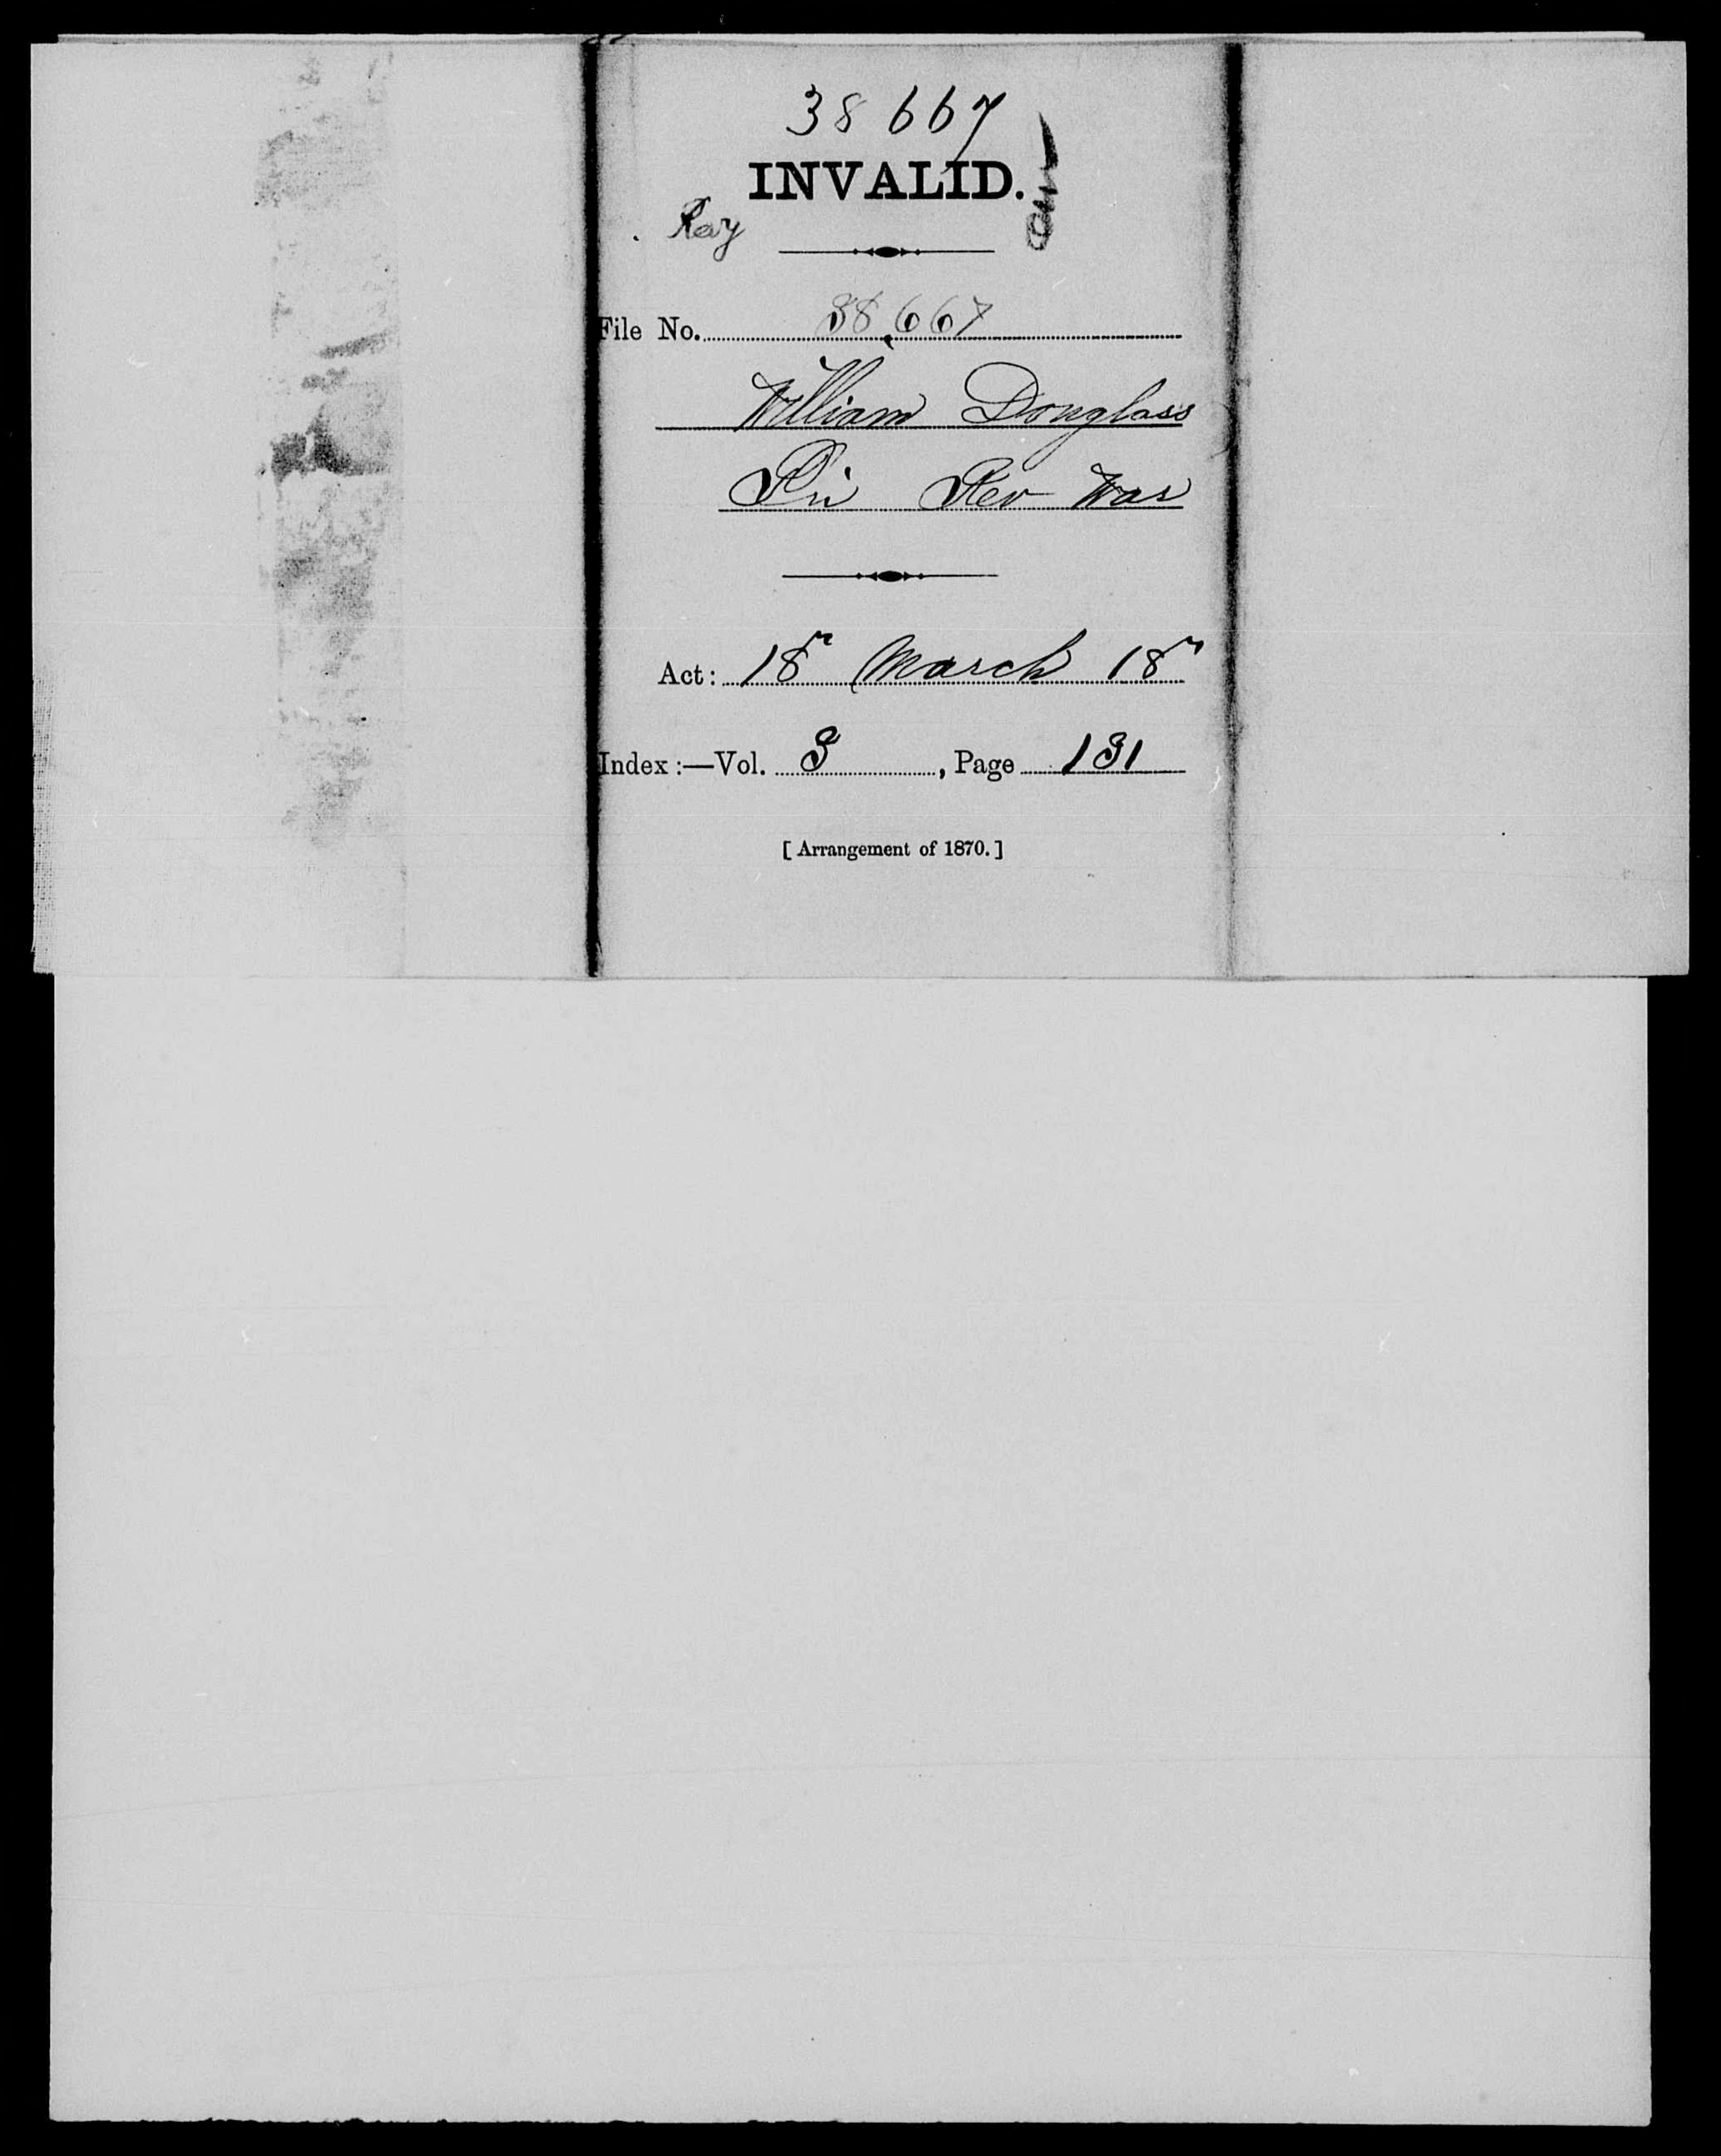38667
INVALID
Ray
File No.  38667
William Douglass
In Rev War
Act: 18 March 18
Index:--Vol. S, Page 131
[Arrangement of 1870.}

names: William Douglass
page: 2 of 7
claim: survivor's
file: S. 38667, William Douglass, N.C.